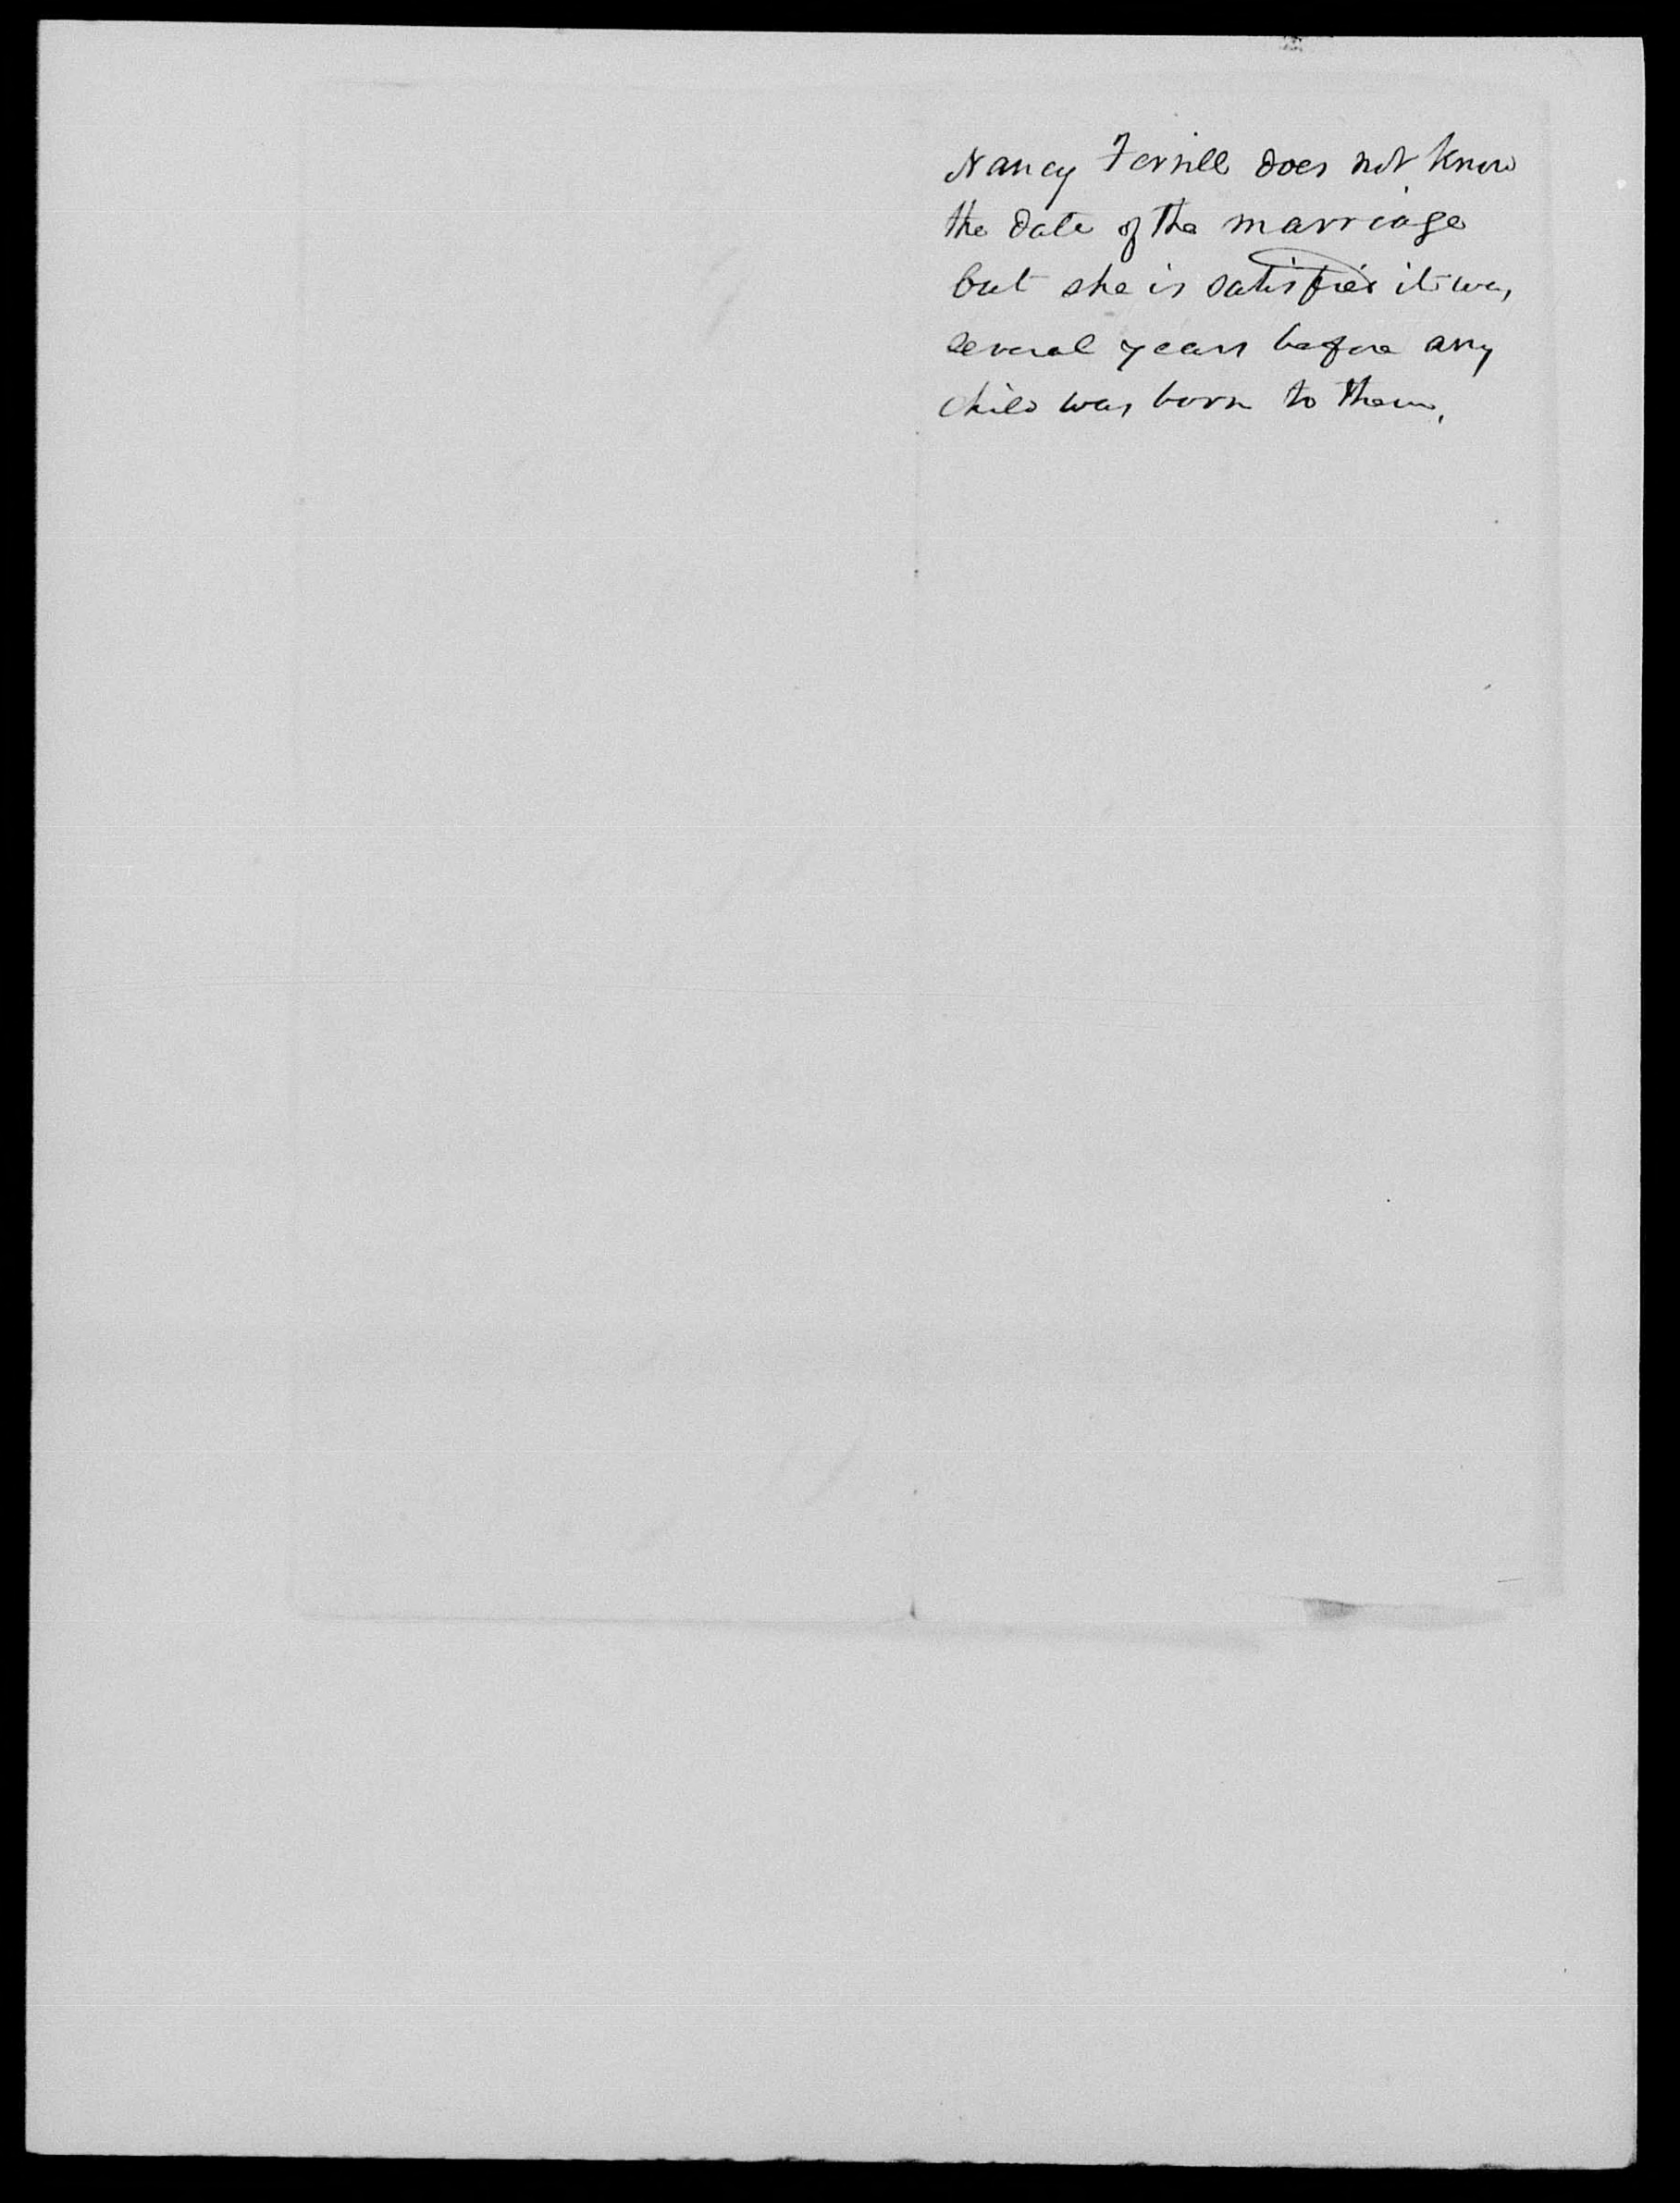Nancy Ferrell does not know the date of the marriage but she is satisfied it was several years before any child was born to them.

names: Nancy Ferrill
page: 18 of 52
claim: rejected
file: R. 3,512, John Ferrell, N.C.